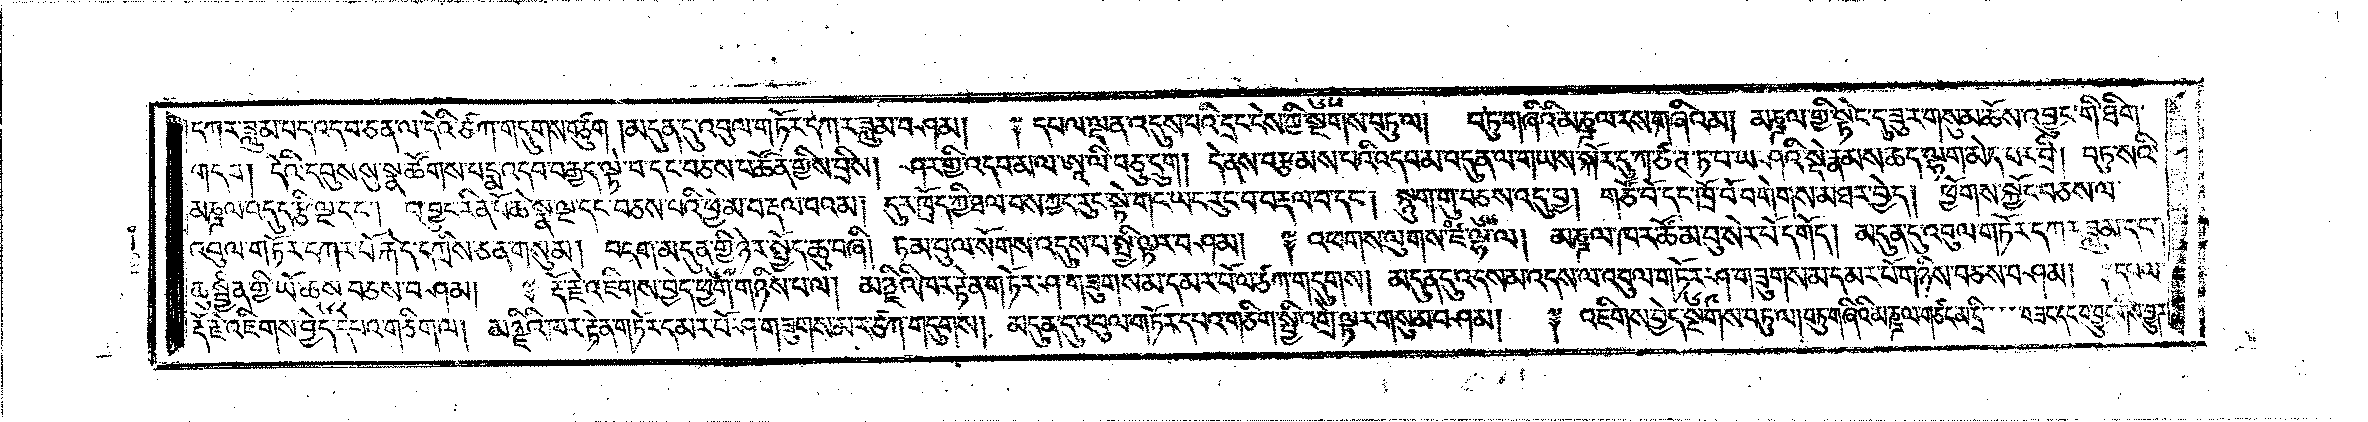དཀར་ཟླུམ་པད་འདབ་ཅན་ལ་དེའི་ཙཀ་གདུགས་བཙུག །མདུན་དུ་འབུལ་གཏོར་དཀར་ཟླུམ་བཤམ། ༈ དཔལ་ལྡན་འདུས་པའི་དྲང་ངེས་ཀྱི་སྔགས་བཏུལ། བཏུ་གཞིའི་མཎྜལ་རས་གཞིའམ། མཎྜལ་གྱི་སྟེང་དུ་ཟུར་གསུམ་ཆོས་འབྱུང་གི་ཐིག་
གདབ། དེའི་དབུས་སུ་སྣ་ཚོགས་པདམ་འདབ་བརྒྱད་ལྟེ་བ་དང་བཅས་པ་ཚོན་གྱིས་བྲིས། ཤར་གྱི་འདབ་མ་ལ་ཨཱ་ལི་བཅུ་དྲུག ། དེ་ནས་བརྩམས་པའི་འདབ་མ་བདུན་ལ་གཡས་སྐོར་དུ་ཀ་ཙཊ་ཏ་པ་ཡ་ཤའི་སྡེ་རྣམས་ཆད་ལྷག་མེད་པར་བྲི། བཏུ་སའི་
མཎྜལ་བདུད་རྩི་ལྔ་དང་། འབྱུང་རིན་པོ་ཆེ་སྣ་ལྔ་དང་བཅས་པའི་ཕྱེ་མ་བརྡལ་བའམ། དུར་ཁྲོད་ཀྱི་ཐལ་བས་ཀྱང་རུང་སྟེ་གང་ཡང་རུང་བ་བརྡལ་བ་དང་། སྙུག་གུ་བཅས་འདུ་བྱ། གཙོ་བོ་དང་ཁྲོ་བོ་བགེགས་མཐར་བྱེད། ཕྱོགས་སྐྱོང་བཅས་ལ་
འབུལ་གཏོར་དཀར་པོ་རྐེད་དཀྲིས་ཅན་གསུམ། བདག་མདུན་གྱི་ཉེར་སྤྱོད་ཆུ་བཞི། ཏམ་བུ་ལ་སོགས་འདུས་པ་སྤྱི་ལྟར་བཤམ། ༈ འཕགས་ལུགས་ཛཾ་ལྷ་ལ། མཎྜལ་ཁར་ཚོམ་བུ་སེར་པོ་དགོད། མདུན་དུ་འབུལ་གཏོར་དཀར་ཟླུམ་དང་།
ཆུ་སྦྱིན་གྱི་ཡོ་ཆས་བཅས་བཤམ། ༈ རྡོ་རྗེ་འཇིགས་བྱེད་ཕྱག་གཉིས་པ་ལ། མཉྫིའི་ཁར་རྟེན་གཏོར་ཤ་གཟུགས་མ་དམར་པོ་ལ་ཙཀ་གདུགས། མདུན་དུ་འདས་མ་འདས་ལ་འབུལ་གཏོར་ཤ་གཟུགས་མ་དམར་པོ་གཉིས་བཅས་བཤམ། ༈ དཔལ་
རྡོ་རྗེ་འཇིགས་བྱེད་དཔའ་གཅིག་ལ། མཉྫིའི་ཁར་རྟེན་གཏོར་དམར་པོ་ཤ་གཟུགས་མར་ཙཀ་གདུགས། མདུན་དུ་འབུལ་གཏོར་དཔའ་གཅིག་སྤྱི་འགྲེ་ལྟར་གསུམ་བཤམ། ༈ འཇིགས་བྱེད་སྔགས་བཏུ་ལ། བཏུ་གཞིའི་མཎྜལ་གཙང་མ་དྲི་བཟང་དང་བ་འབྱུང་གིས་བྱུཌ་